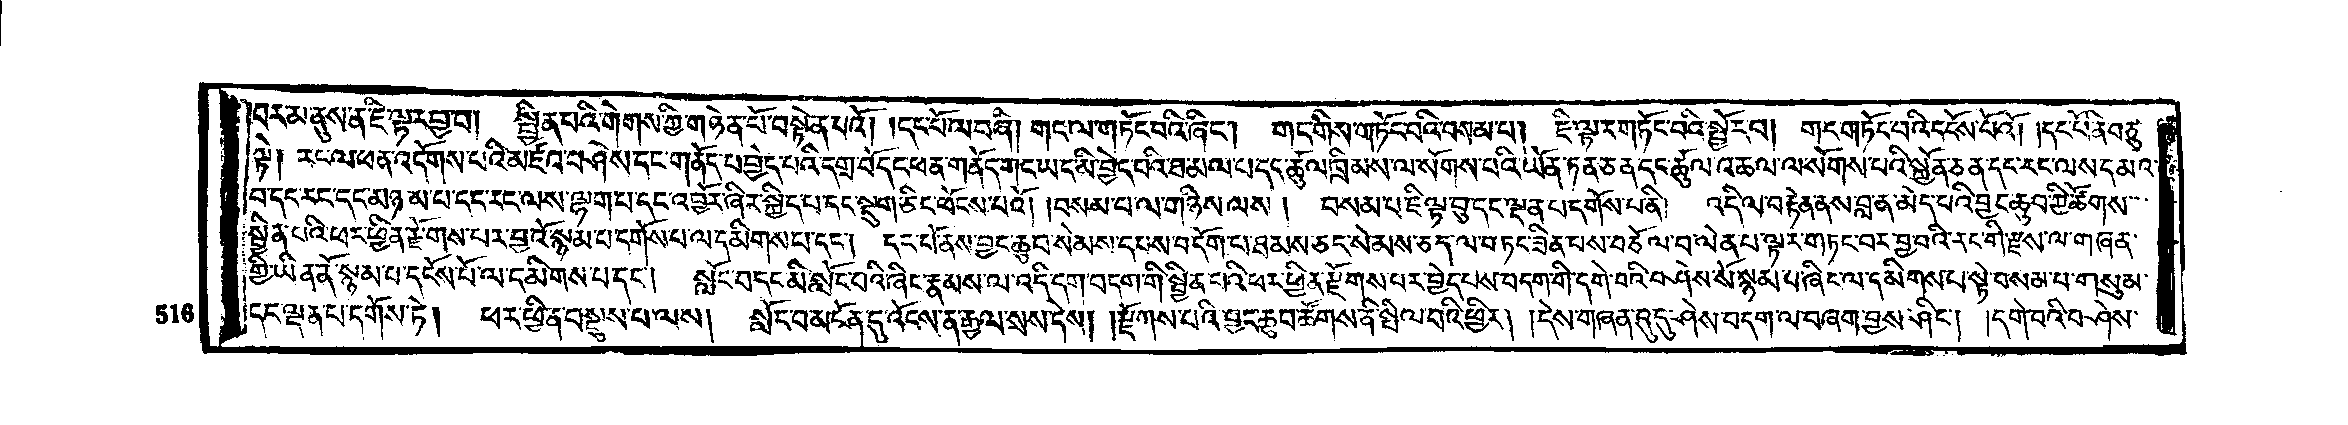བར་མ་ནུས་ན་ཇི་ལྟར་བྱ་བ། སྦྱིན་པའི་གེགས་ཀྱི་གཉེན་པོ་བསྟེན་པའོ། །དང་པོ་ལ་བཞི། གང་ལ་གཏོང་བའི་ཞིང་། གང་གིས་གཏོང་བའི་བསམ་པ། ཇི་ལྟར་གཏོང་བའི་སྦྱོར་བ། གང་གཏོང་བའི་དངོས་པོའོ། །དང་པོ་ནི་བཅུ་
སྟེ༑ རང་ལ་ཕན་འདོགས་པའི་མཛའ་བཤེས་དང་གནོད་པ་བྱེད་པའི་དགྲ་བོ་དང་ཕན་གནོད་གང་ཡང་མི་བྱེད་པའི་ཐ་མལ་པ་དང་ཚུལ་ཁྲིམས་ལ་སོགས་པའི་ཡོན་ཏན་ཅན་དང་ཚུལ་འཆལ་ལ་སོགས་པའི་སྐྱོན་ཅན་དང་རང་ལས་དམའ་
བ་དང་རང་དང་མཉམ་པ་དང་རང་ལས་ལྷག་པ་དང་འབྱོར་ཞིང་སྐྱིད་པ་དང་སྡུག་ཅིང་ཕོངས་པའོ། །བསམ་པ་ལ་གཉིས་ལས། བསམ་པ་ཇི་ལྟ་བུ་དང་ལྡན་པ་དགོས་པ་ནི། འདི་ལ་བརྟེན་ནས་བླ་ན་མེད་པའི་བྱང་ཆུབ་ཀྱི་ཚོགས་
སྦྱིན་པའི་ཕར་ཕྱིན་རྫོགས་པར་བྱའོ་སྙམ་པ་དགོས་པ་ལ་དམིགས་པ་དང་། དང་པོ་ནས་བྱང་ཆུབ་སེམས་དཔས་བདོག་པ་ཐམས་ཅད་སེམས་ཅན་ལ་བཏང་ཟིན་པས་བཅོལ་བ་ལེན་པ་ལྟར་གཏང་བར་བྱ་བའི་རང་གི་རྫས་ལ་གཞན་
གྱི་ཡིན་ནོ་སྙམ་པ་དངོས་པོ་ལ་དམིགས་པ་དང་། སློང་བ་དང་མི་སློང་བའི་ཞིང་རྣམས་ལ་འདི་དག་བདག་གི་སྦྱིན་པའི་ཕར་ཕྱིན་རྫོགས་པར་བྱེད་པས་བདག་གི་དགེ་བའི་བཤེས་སོ་སྙམ་པ་ཞིང་ལ་དམིགས་པ་སྟེ་བསམ་པ་གསུམ་
དང་ལྡན་པ་དགོས་ཏེ། ཕར་ཕྱིན་བསྡུས་པ་ལས། སློང་བ་མངོན་དུ་འོངས་ན་རྒྱལ་སྲས་དེས། །རྫོགས་པའི་བྱང་ཆུབ་ཚོགས་ནི་སྤེལ་བའི་ཕྱིར། །དེས་གཞན་འདུ་ཤེས་བདག་ལ་བཞག་བྱས་ཤིང་། །དགེ་བའི་བཤེས་